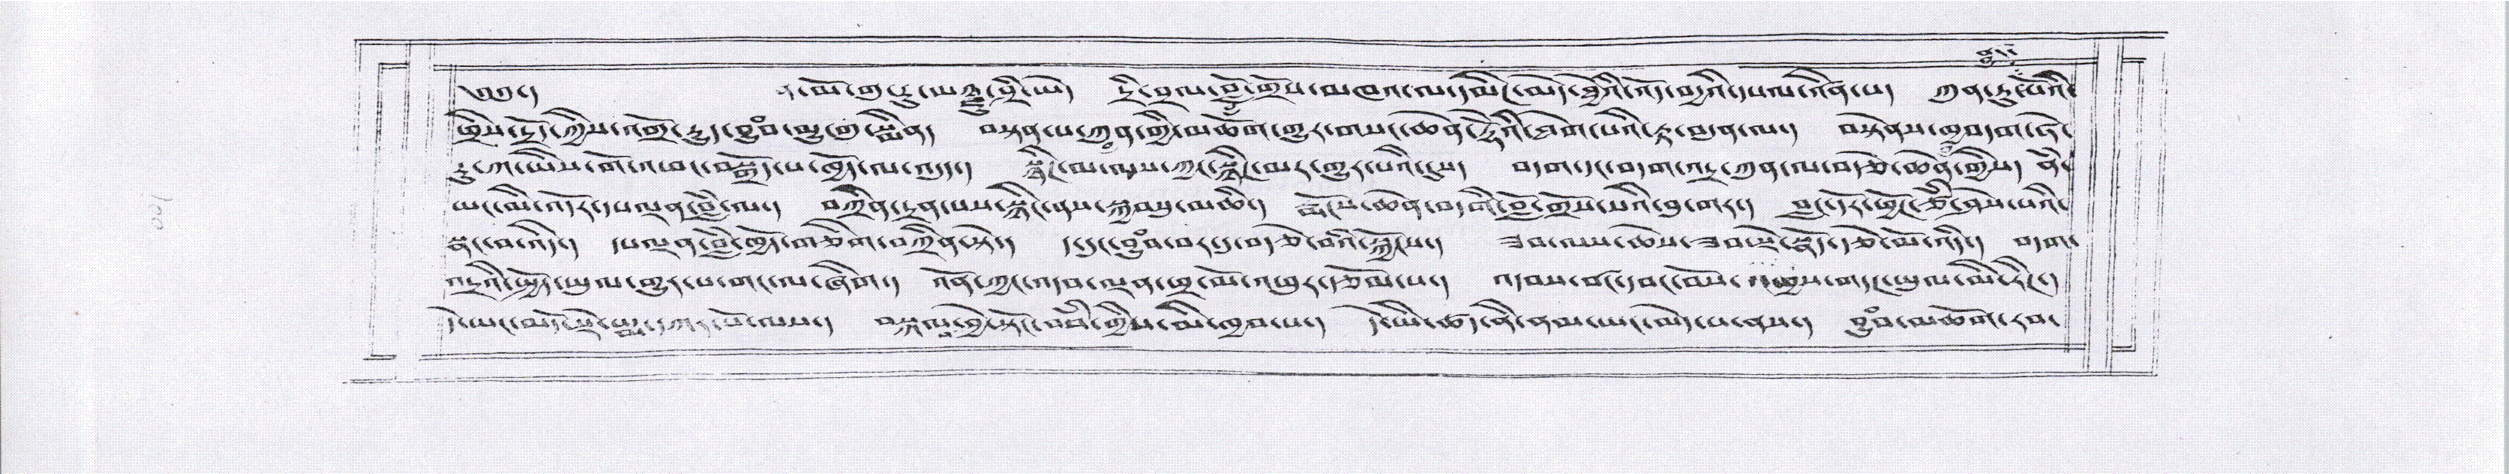༄༅།། ན་མོ་གུ་རུ་མཉྫུ་ཤྲི་ཡེ། བྲི་བྲལ་བློ་གྲོས་མཁའ་ལ་དམིགས་མེད་ཐུགས་རྗེའི་འོད་བརྒྱའི་དཔལ་འཛིན་པ། ཀུན་ཏུ་བཟང་པོའི་
འཕྲིན་ལས་དྲོད་ཀྱིས་འགྲོ་རྒྱུད་བྱང་ཆུབ་མྱུ་གུ་སྨིན། བསྟན་པ་ཀུན་གྱི་མཆོག་གྱུར་གསང་ཆེན་རྡོ་རྗེ་ཐེག་པའི་རྟ་བདུན་ལ། བརྟེན་ནས་ཁྱབ་བདག་ཧེ་
རུ་ཀ་ཡི་གོ་འཕང་བསྒྲོད་པ་ཁྱོད་ལ་འདུད། སྙིགས་མ་ལས་ཀྱང་སྙིགས་མར་གྱུར་པའི་དུས། བདག་དང་བདག་འདྲ་ཀུན་ལ་བརྩེ་ཆེན་གྱིས། ནམ་
ཡང་མི་འདོར་དཔལ་ལྡན་བླ་མ་ལ། བཀའ་དྲིན་དྲན་པས་སྙིང་ནས་སྐྱབས་སུ་མཆི། རྨོངས་ཆེན་བདག་གི་བློ་གྲོས་༼༽པའི་བུ་གར། བླང་དོར་ཕྱོགས་ཙམ་ཤེས་པའི་
སྣང་བ་འདི། དཔལ་ལྡན་བླ་མ་ཁྱོད་གཅིག་བཀའ་དྲིན་ཏེ། ད་དུང་བྱང་ཆུབ་བར་དུ་བརྩེ་བས་སྐྱོངས། ཟབ་ལམ་ཆེས་ཟབ་སྡེ་སྣོད་རྩེ་མོ་འདི། བདག་
འདྲའི་སྤྱོད་ཡུལ་གྱུར་པ་གང་ལ་ཞིག འོན་ཀྱང་འདབ་ལྡན་ཕྲ་མོ་འཕུར་རྩོལ་བ། འདབ་བཟང་དབང་པོས་འཕྱས་གདགས་ཡུལ་མི་རིགས། 
དེ་ཡང་མདོ་སྡེ་པདྨ་དཀར་པོ་ལས། བསྐལ་པ་བྱེ་སྟོང་བསམ་གྱིས་མི་ཁྱབ་པ། དེ་ཡི་ཚད་ནི་ནམ་ཡང་མེད་པ་ནས། བྱང་ཆུབ་མཆོག་རབ་